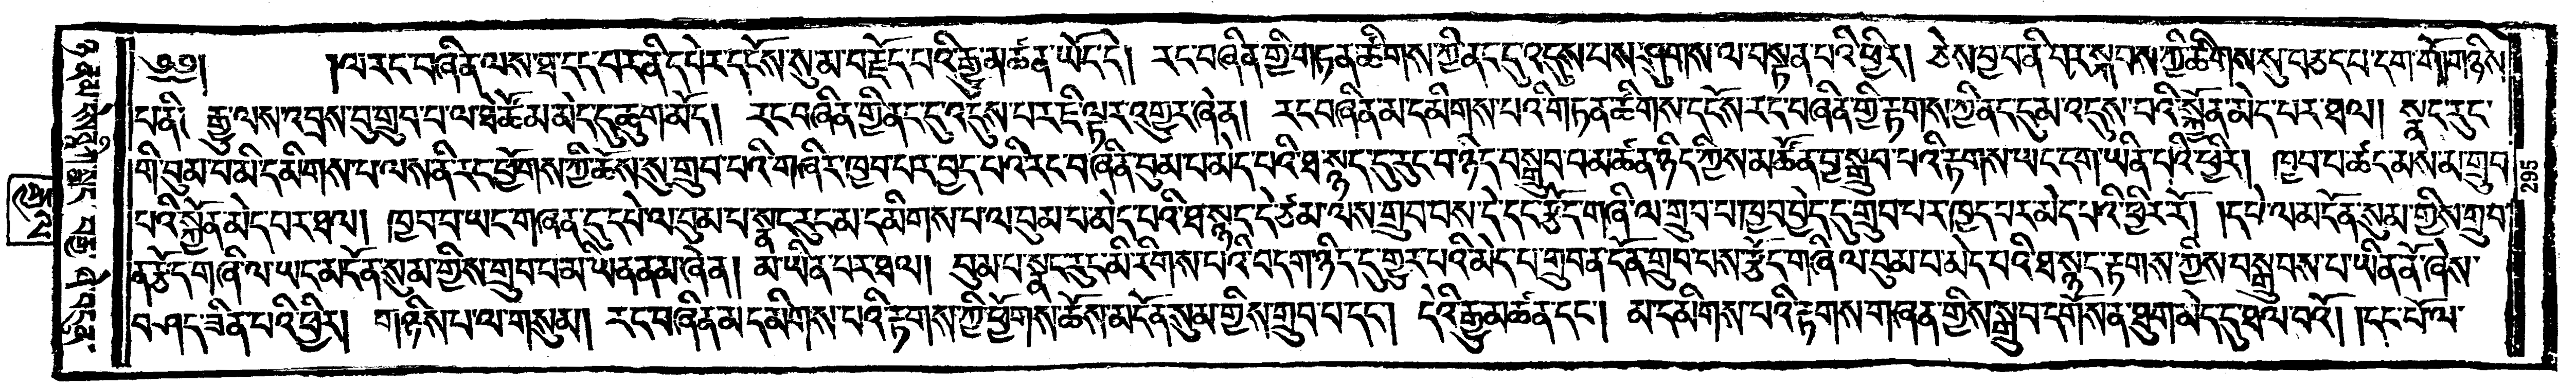༄༅། །ལ་རང་བཞིན་ལས་ཐ་དད་པར་ནི་དཔེར་དངོས་སུམ་བརྗོད་པའི་རྒྱུ་མཚན་ཡོད་དེ། རང་བཞིན་གྱི་གཏན་ཚིགས་ཀྱི་ནང་དུ་འདུས་པས་ཤུགས་ལ་བསྟན་པའི་ཕྱིར། ཅེས་བྱ་བས་ནི་བར་སྐབས་ཀྱི་ཚིགས་སུ་བཅད་པ་དག་གོ་གཉིས་
པ་ནི༑ རྒྱུ་ལས་འབྲས་བུ་གྲུབ་པ་ལ་ཐེ་ཚོམ་མེད་དུ་ཆུག་མོད། རང་བཞིན་གྱི་ནང་དུ་འདུས་པར་ཇི་ལྟར་འགྱུར་ཞེ་ན། རང་བཞིན་མ་དམིགས་པའི་གཏན་ཚིགས་དངོས་རང་བཞིན་གྱི་རྟགས་ཀྱི་ནང་དུ་མ་འདུས་བའི་སྐྱོན་མེད་པར་ཐལ། སྣང་རུང་
གི་བུམ་པ་མི་དམིགས་པ་ལས་ནི་རང་ཕྱོགས་ཀྱི་ཆོས་སུ་གྲུབ་པའི་གཞིར་ཁྱབ་པར་བྱད་པའི་རང་བཞིན་བུམ་པ་མེད་པའི་ཐ་སྙད་དུ་རུང་བ་ཉིད་བསྒྲུབ་བ་མཚན་ཉིད་ཀྱིས་མཚོན་བྱ་སྒྲུབ་པའི་རྟགས་ཡང་དག་ཡིན་པའི་ཕྱིར། ཁྱབ་པ་ཚང་མས་མ་གྲུབ་
པའི་སྐྱོན་མེད་པར་ཐལ། ཁྱབ་པ་ཡང་གཞན་དུ་དཔེ་ལ་བུམ་པ་སྣང་རུང་མ་དམིགས་པ་ལ་བུམ་པ་མེད་པའི་ཐ་སྙད་དེ་ཙམ་ལས་གྲུབ་བས་དེ་དང་རྩོད་གཞི་ལ་གྲུབ་པ་ཁྱབ་བྱེད་དུ་གྲུབ་པར་ཁྱད་པར་མེད་པའི་ཕྱིར་རོ། །དཔེ་ལ་མངོན་སུམ་གྱིས་གྲུབ་
ན་རྩོད་གཞི་ལ་ཡང་མངོན་སུམ་གྱིས་གྲུབ་པ་མ་ཡིན་ནམ་ཞེ་ན། མ་ཡིན་པར་ཐལ། བུམ་པ་སྣང་རུང་མི་རིགས་པའི་བདག་ཉིད་དུ་གྱུར་པའི་མེད་པ་གྲུབ་ན་དོན་གྲུབ་པས་རྩོད་གཞི་ལ་བུམ་པ་མེད་པའི་ཐ་སྙད་རྟགས་ཀྱིས་བསྒྲུབས་པ་ཡིན་ནོ་ཞེས་
བཤད་ཟིན་པའི་ཕྱིར། གཉིས་པ་ལ་གསུམ། རང་བཞིན་མ་དམིགས་པའི་རྟགས་ཀྱི་ཕྱོགས་ཆོས་མངོན་སུམ་གྱིས་གྲུབ་པ་དང་། དེའི་རྒྱུ་མཚན་དང་། མ་དམིགས་པའི་རྟགས་གཞན་གྱིས་སྒྲུབ་དགོས་ན་ཐུག་མེད་དུ་ཐལ་བའོ། །དང་པོ་ལ་